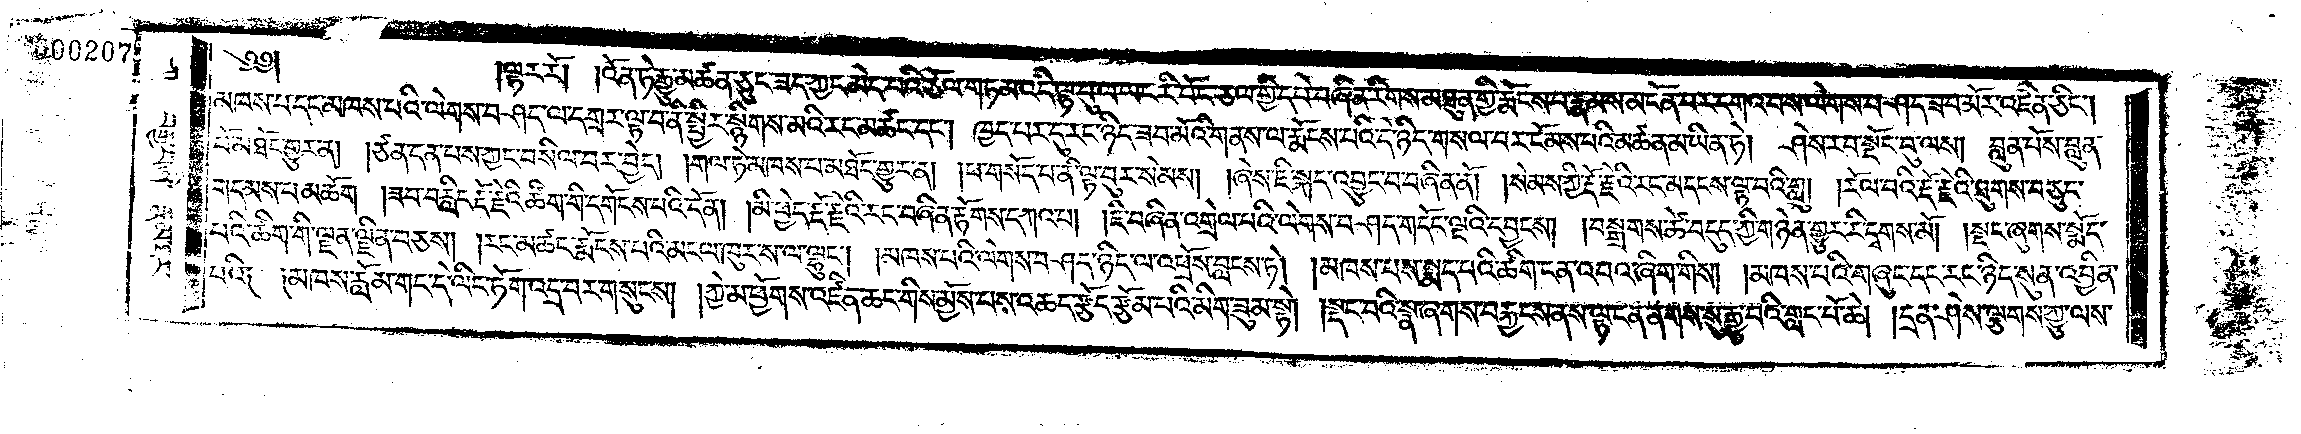༄༅། །ལྟར་རོ། །འོན་ཏེ་རྒྱུ་མཚན་ཅུང་ཟད་ཀྱང་མེད་པའི་ཅོལ་གཏམ་འདི་ལྟ་བུ་ལ་ཡང་རི་བོང་ཅལ་གྱི་དཔེ་བཞིན་རིགས་མཐུན་གྱི་རྨོངས་པ་རྣམས་མངོན་པར་དགའ་བས་ལེགས་བཤད་ཟབ་མོར་འཛིན་ཅིང་།
མཁས་པ་དང་མཁས་པའི་ལེགས་བཤད་ལ་དགྲར་ལྟ་བ་ནི་སྤྱིར་སྙིགས་མའི་རང་མཚང་དང་། ཁྱད་པར་དུ་རང་ཉིད་ཟབ་མོའི་གནས་ལ་རྨོངས་པའི་དེ་ཉིད་གསལ་བར་ངོམས་པའི་མཚན་མ་ཡིན་ཏེ། ཤེས་རབ་སྡོང་བུ་ལས། བླུན་པོས་བླུན་
པོ་མཐོང་གྱུར་ན། །ཙན་དན་པས་ཀྱང་བསིལ་བར་བྱེད། །གལ་ཏེ་མཁས་པ་མཐོང་གྱུར་ན། །ཕ་གསོད་པ་ན་ལྟ་བུར་སེམས། །ཞེས་ཇི་སྐད་འབྱུང་བ་བཞིན་ནོ། །སེམས་ཀྱི་རྡོ་རྗེའི་རང་མདངས་ལྟ་བའི་གླུ། །རོལ་བའི་རྡོ་རྗེའི་ཐུགས་བཅུད་
གདམས་པ་མཆོག །ཟབ་བརླིང་རྡོ་རྗེའི་ཚིག་གི་དགོངས་པའི་དོན། །མི་ཕྱེད་རྡོ་རྗེའི་རང་བཞིན་རྟོགས་དཀའ་པ། །ཇི་བཞིན་འགྲེལ་པའི་ལེགས་བཤད་གདོང་ལྔའི་དབྱངས། །བསྒྲགས་ཚེ་བདུད་ཀྱི་གཉེན་གྱུར་རི་དྭགས་མོ། །སྡང་ཞུགས་སྨོད་
པའི་ཚིག་གི་ལྗང་ལྗིན་བཅས། །རང་མཚང་རྨོངས་པའི་མངལ་ཁུར་ས་ལ་ལྷུང་། །མཁས་པའི་ལེགས་བཤད་ཉིད་ལ་འཕྲོས་བླངས་ཏེ། །མཁས་པས་སྨད་པའི་ཚིག་ངན་འབའ་ཞིག་གིས། །མཁས་པའི་གཞུང་དང་རང་ཉིད་སུན་འབྱིན་
པའི༑ ༑མཁས་རློམ་གང་དེ་ལིང་ཏོག་འདྲ་བར་གསུངས། །ཀྱེ་མ་ཕྱོགས་འཛིན་ཆང་གིས་མྱོས་པས་འཆད་རྩོད་རྩོམ་པའི་མིག་ཟུམ་སྟེ། །སྡང་བའི་སྣ་ཞགས་བརྐྱངས་ནས་ལྟ་ངན་ནགས་སུ་རྒྱུ་བའི་གླང་པོ་ཆེ། །དྲན་ཤེས་ལྕགས་ཀྱུ་ལས་